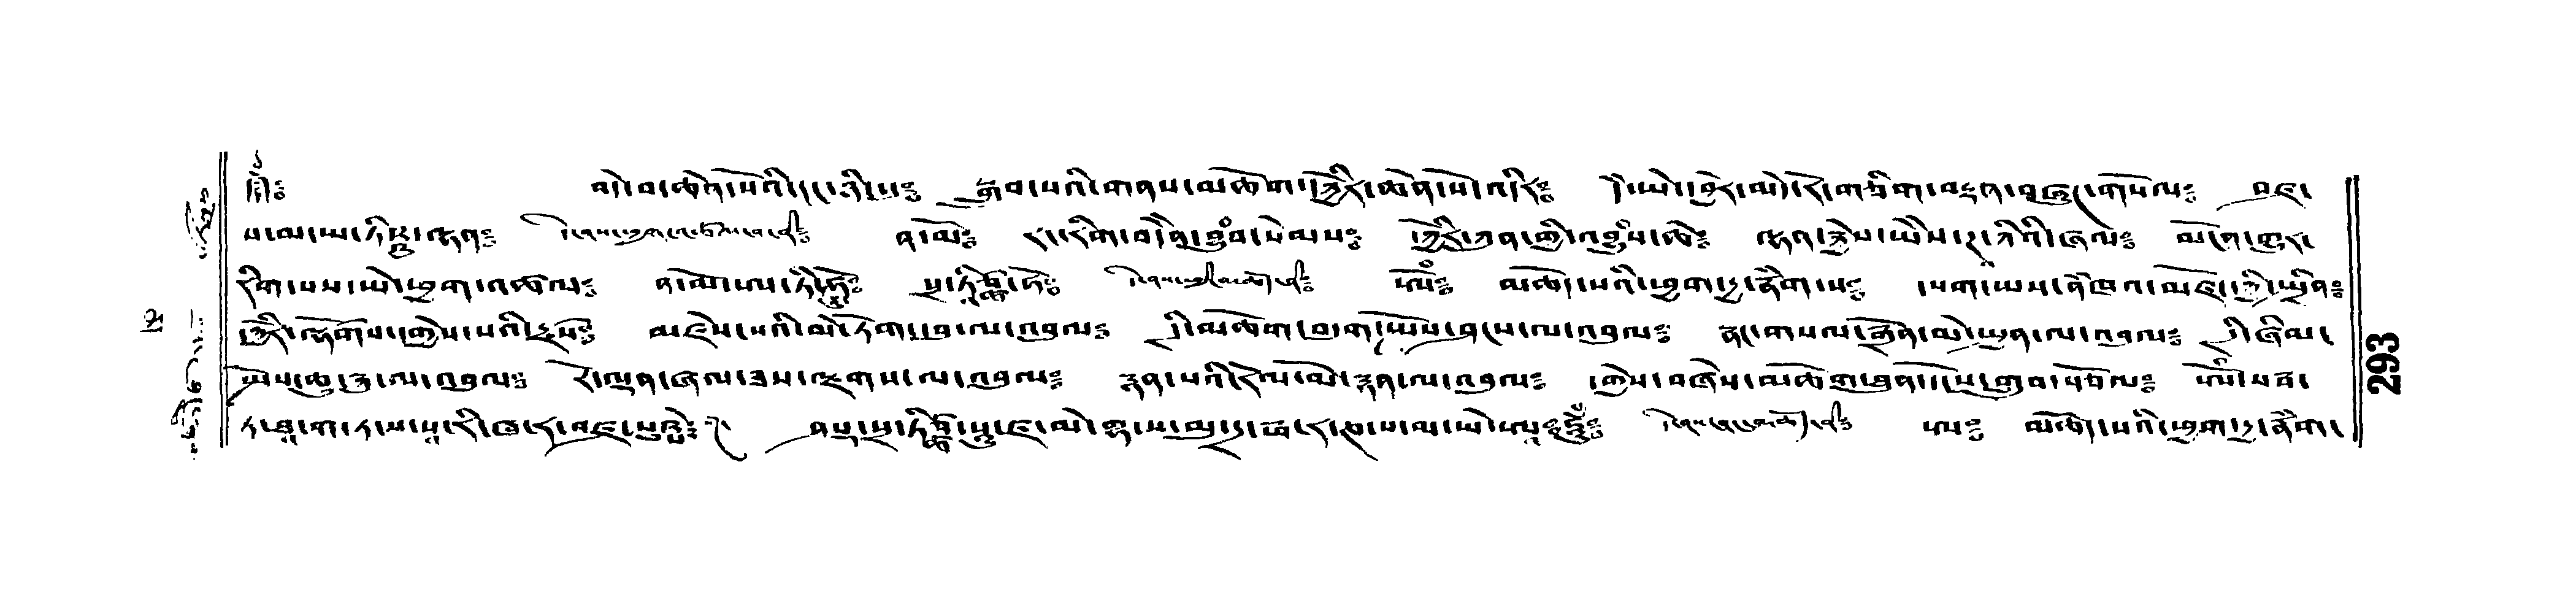བདེ་བ་ཆེན་པོའི་ངང་ཉིད་དུ༔ སྒྲུབ་པའི་གནས་མཆོག་དཀྱིལ་འཁོར་ཆེན་པོ་འདིར༔ དམ་ཡེ་དབྱེར་མེད་རོ་གཅིག་བརྟན་བཞུགས་གསོལ༔ བཛྲ་
ས་མ་ཡ་ཏིཥྛ་ལྷན༔ དེ་ནས་ཕྱག་འཚལ་བ་ནི༔ ན་མོ༔ རང་རིག་བདེ་ཆེན་བྱང་ཆུབ་སེམས༔ དཀྱིལ་འཁོར་ཀུན་གྱི་འབྱུང་གནས་ཆེ༔ ལྷན་སྐྱེས་ཡེ་ཤེས་ཌཱ་ཀིའི་ཞལ༔ མངོན་གྱུར་
རིག་པས་ཡེ་ཕྱག་འཚལ༔ ན་མོ་ཨ་ཏི་པཱུ་ཧོཿ པྲ་ཏཱིཙྪ་ཧོཿ དེ་ནས་ཕྱི་མཆོད་ནི༔ ཨོཾ༔ མཆོད་པའི་ཕྱག་རྒྱ་རྣམ་དག་པ༔ དཔག་ཡས་ནམ་མཁའ་མཛོད་ཀྱི་སྤྲིན༔ 
དཀྱིལ་འཁོར་ལྷ་ཚོགས་དགྱེས་པའི་རྫས༔ མཛེས་པའི་མེ་ཏོག་དབུ་ལ་འབུལ༔ དྲི་མཆོག་བདུག་སྤོས་ཤངས་ལ་འབུལ༔ སྣང་གསལ་སྒྲོན་མེ་སྤྱན་ལ་འབུལ༔ དྲི་ཞིམ་
སྤོས་ཆུ་སྐུ་ལ་འབུལ༔ རོ་ལྡན་ཞལ་ཟས་ལྗགས་ལ་འབུལ༔ སྙན་པའི་རོལ་མོ་སྙན་ལ་འབུལ༔ དགྱེས་བཞེས་མཆོག་ཐུན་དངོས་གྲུབ་སྩོལ༔ ཨོཾ་སརྦ་
ཏ་ཐཱ་ག་ཏ་ས་པཱ་རི་ཝ་ར་བཛྲ་པུཥྤེ་སོགས༔ ཤཔྡ་པྲ་ཏིཙྪ་པཱུ་ཛ་མེ་གྷ་ས་མུ་དྲ་སྥ་ར་ཎ་ས་མ་ཡེ་ཨཱཿཧཱུྃ༔ དེ་ནས་ནང་མཆོད་ནི༔ ཨཱཿ མཆོད་པའི་ཕྱག་རྒྱ་རྣམ་དག་